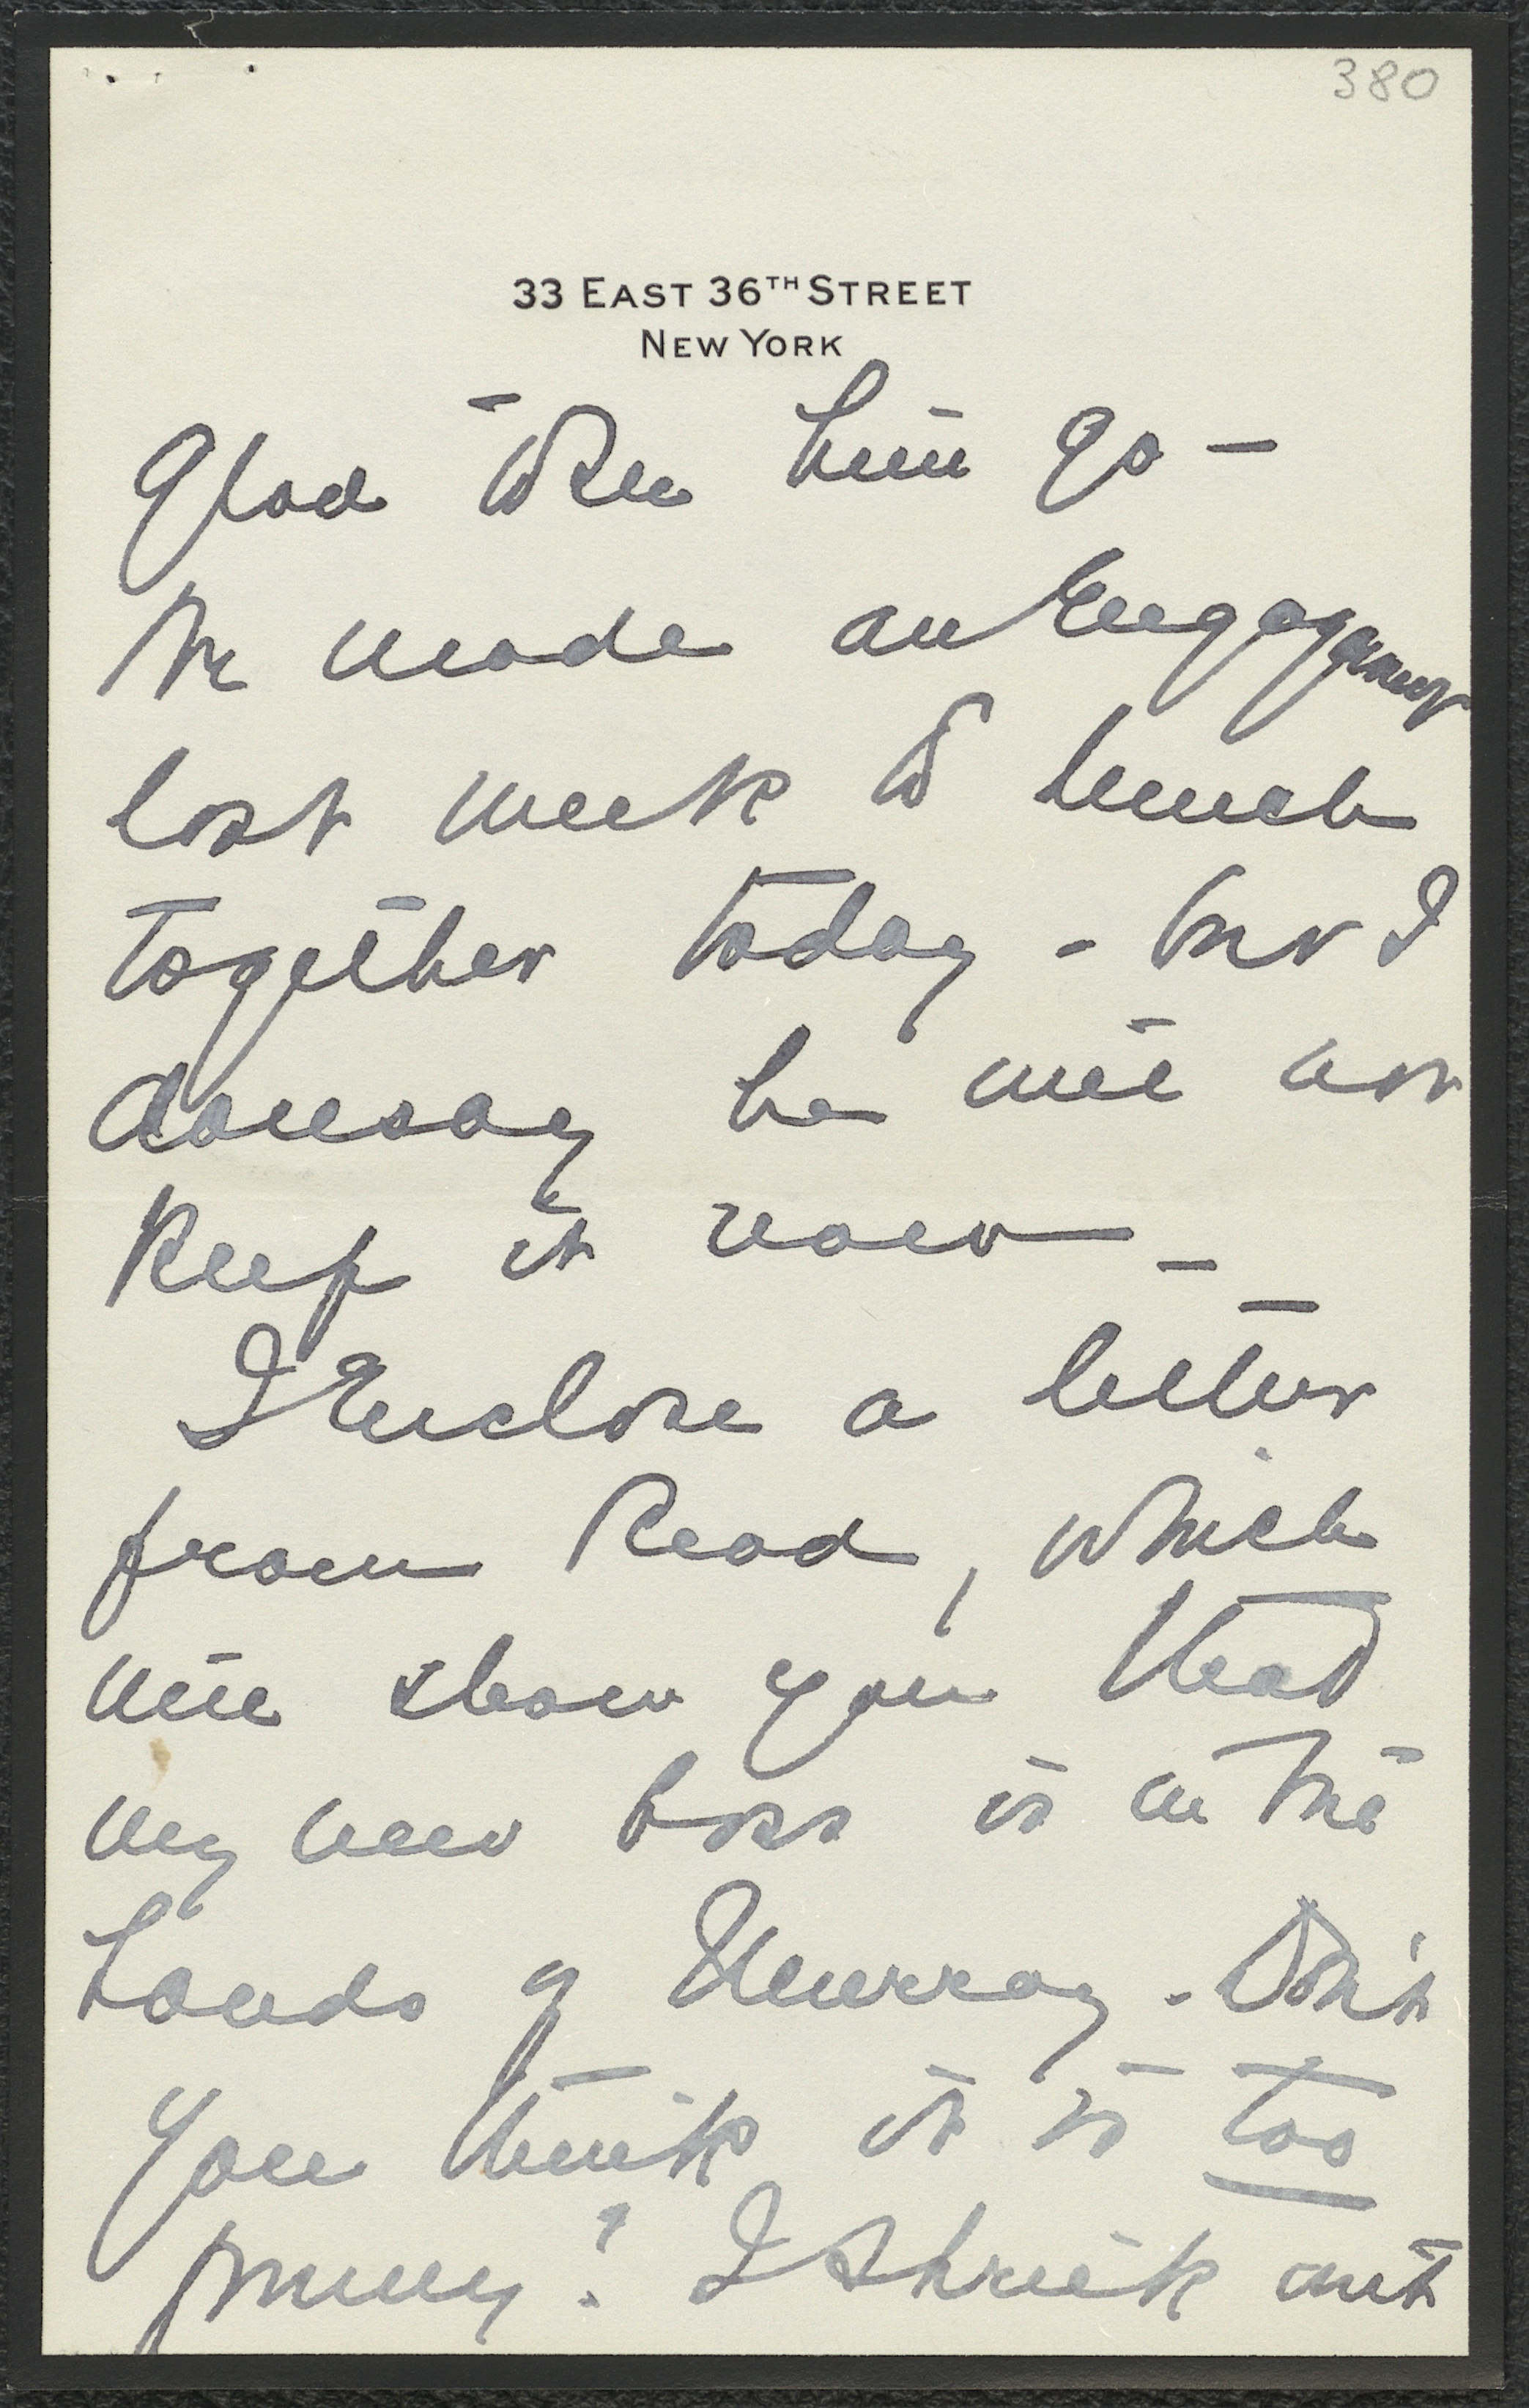glad to see him go – We made an engagement last week to lunch together today – but I daresay he will not keep it now –
I enclose a letter from Read, which will show you that my new boss is in the hands of Murray. Don’t you think it is too funny? I shriek with